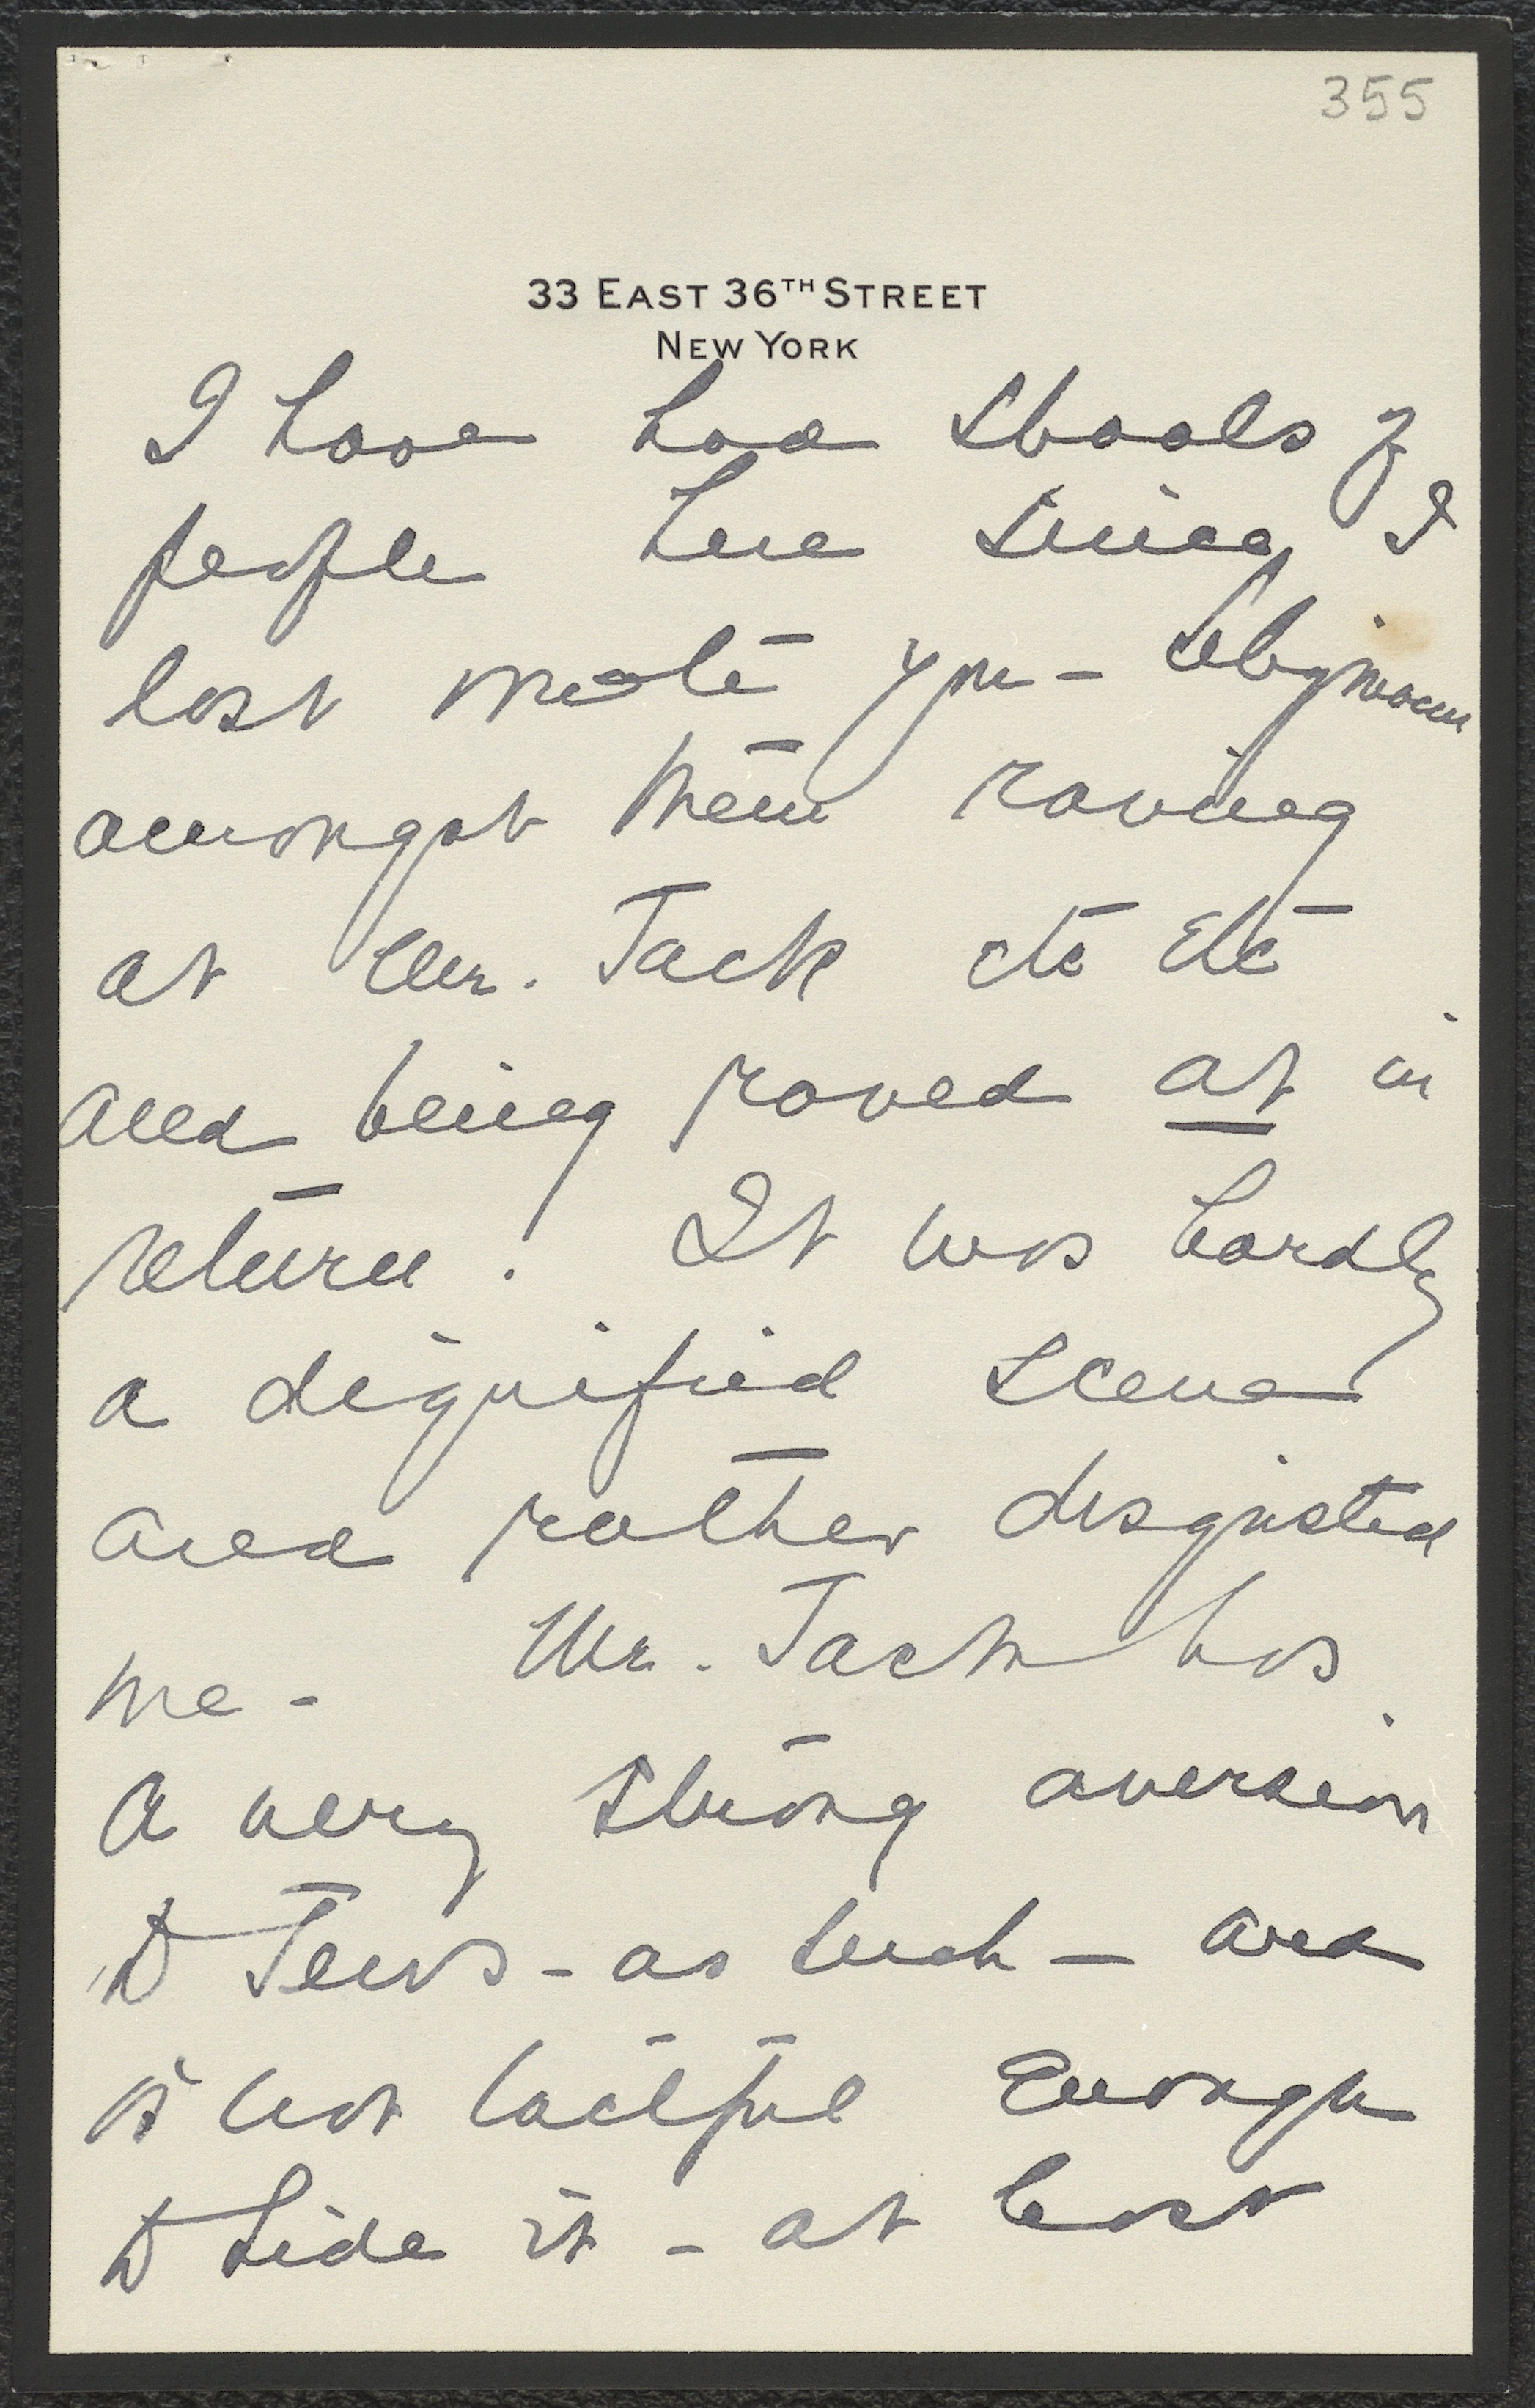I have had shoals of people here since I last wrote you – Seligmann amongst them raving at Mr. Jack etc etc and being raved at in return. It was hardly a dignified scene and rather disgusted me. Mr. Jack has a very strong aversion to Jews – as such – and is not tactful enough to hide it – at least